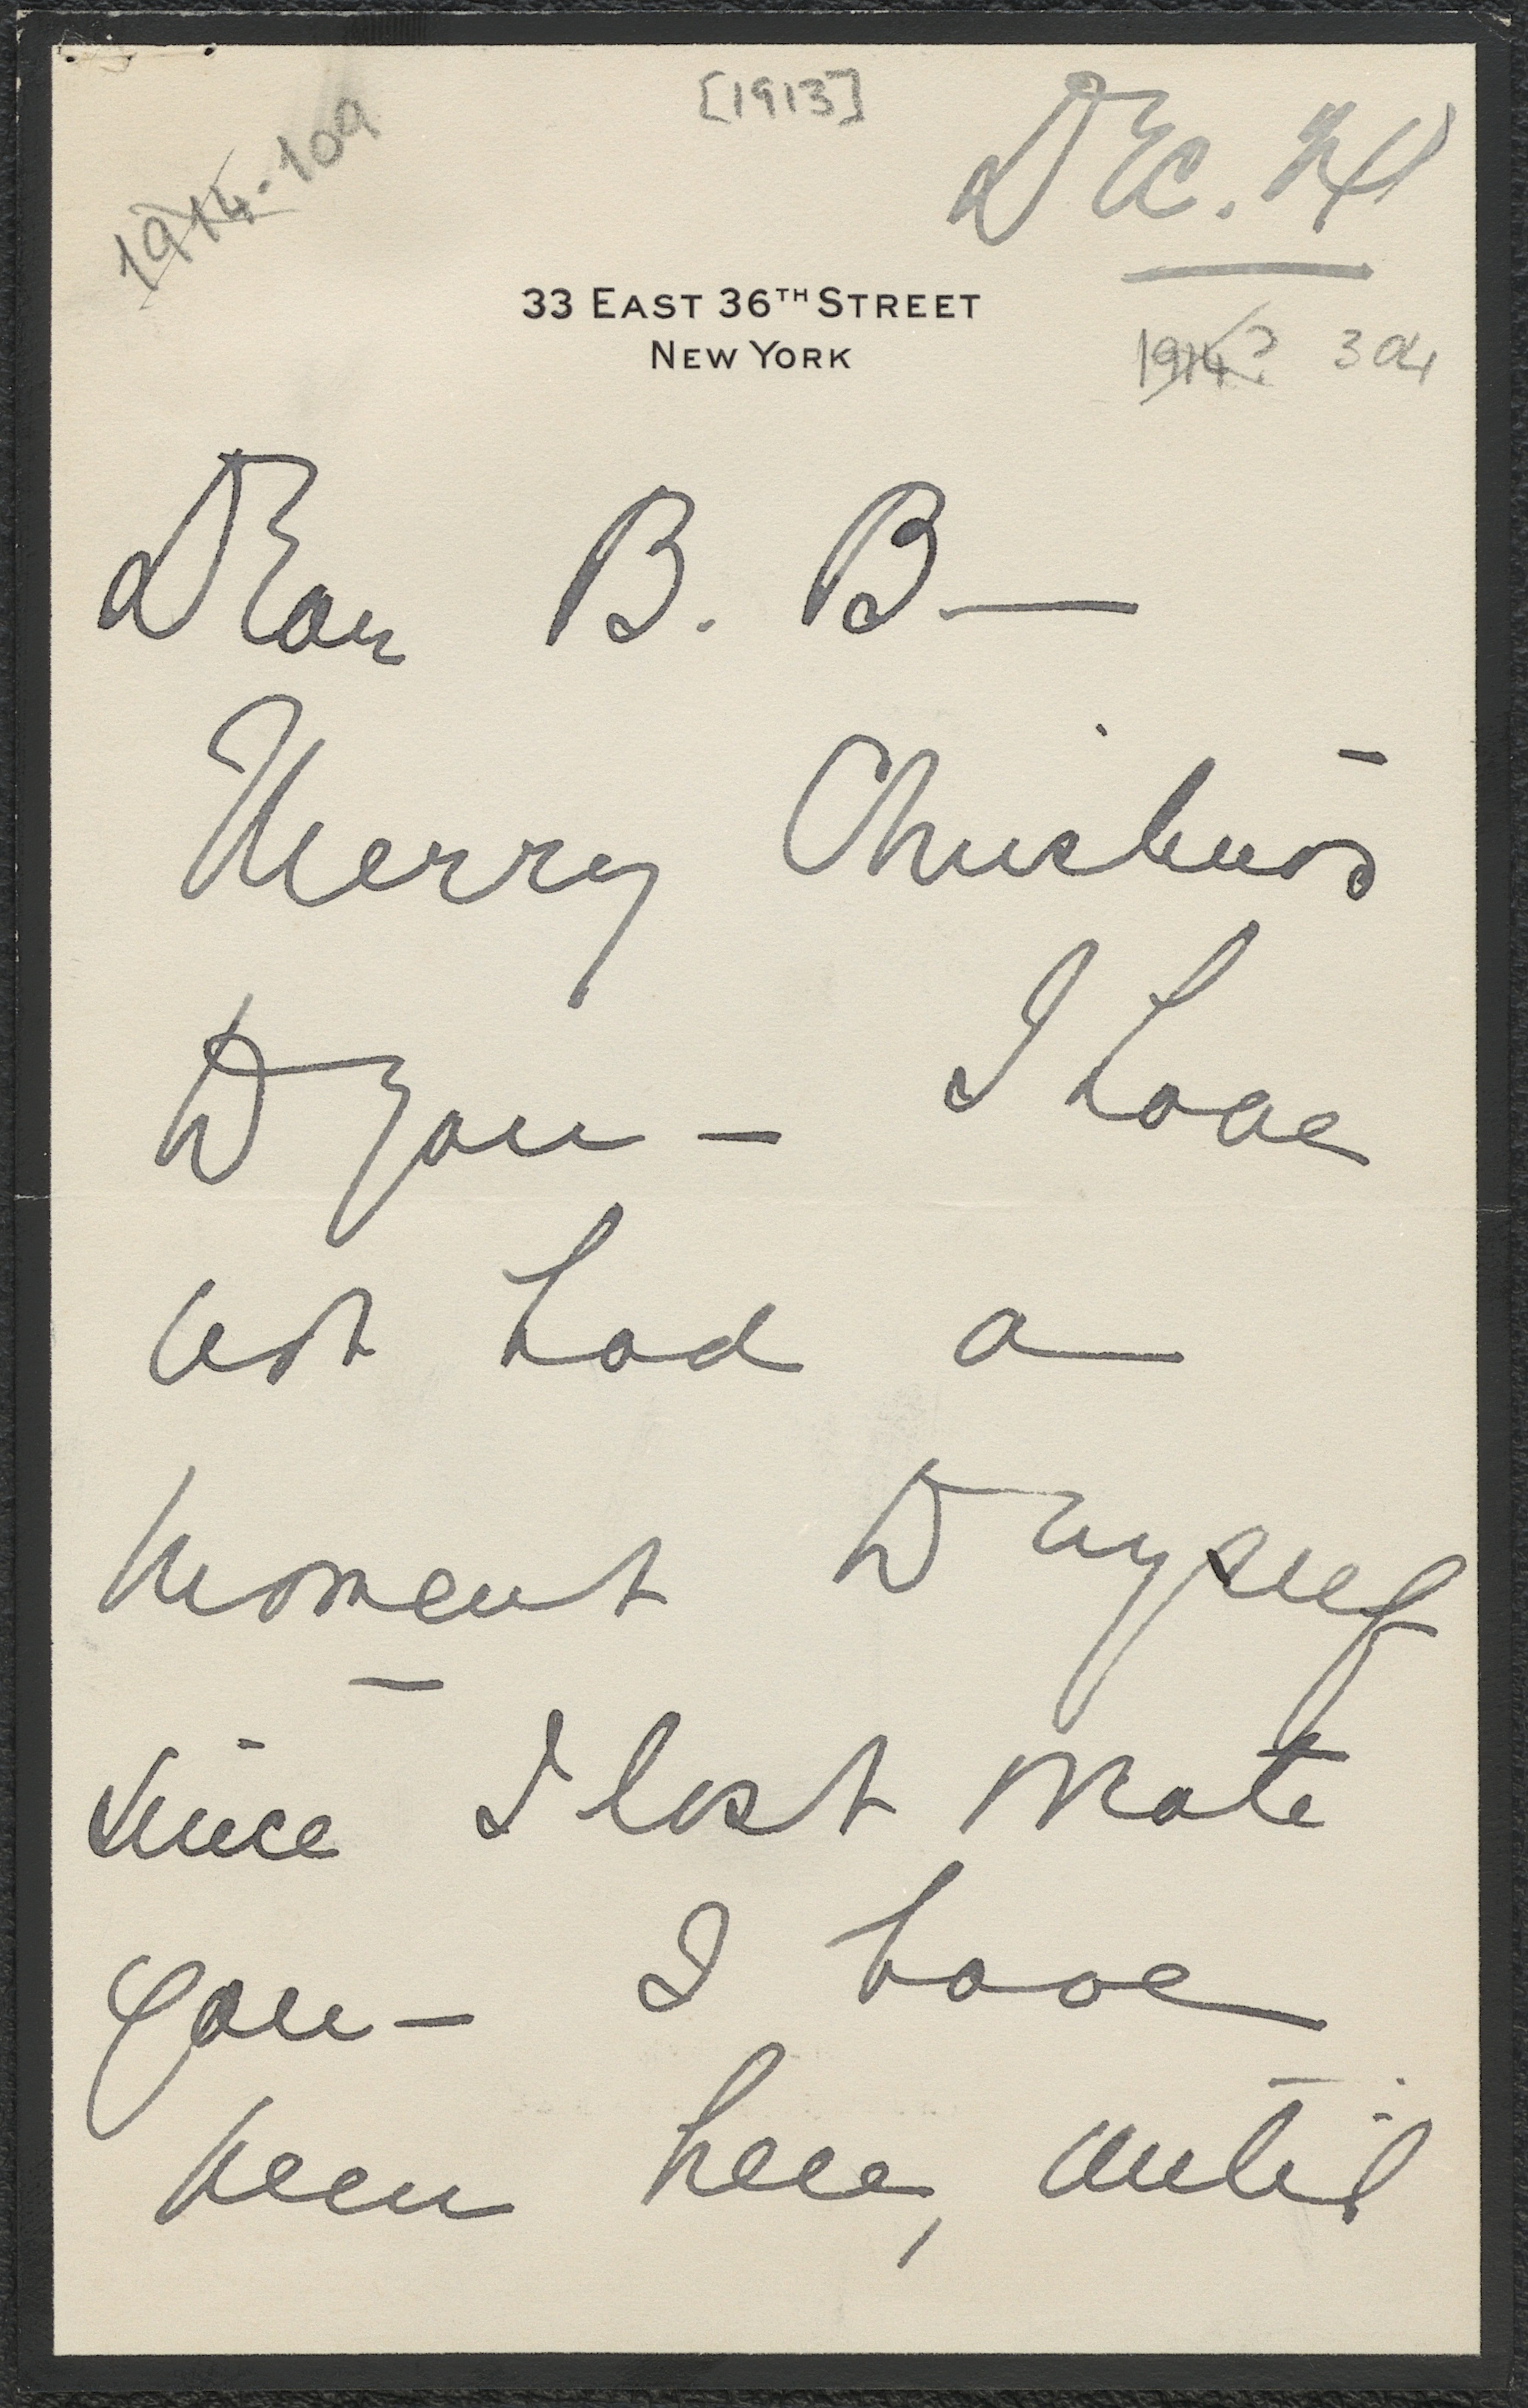Dec. 24
Dear B. B. –
Merry Christmas to you – I have not had a moment to myself since I last wrote you – I have been here, until